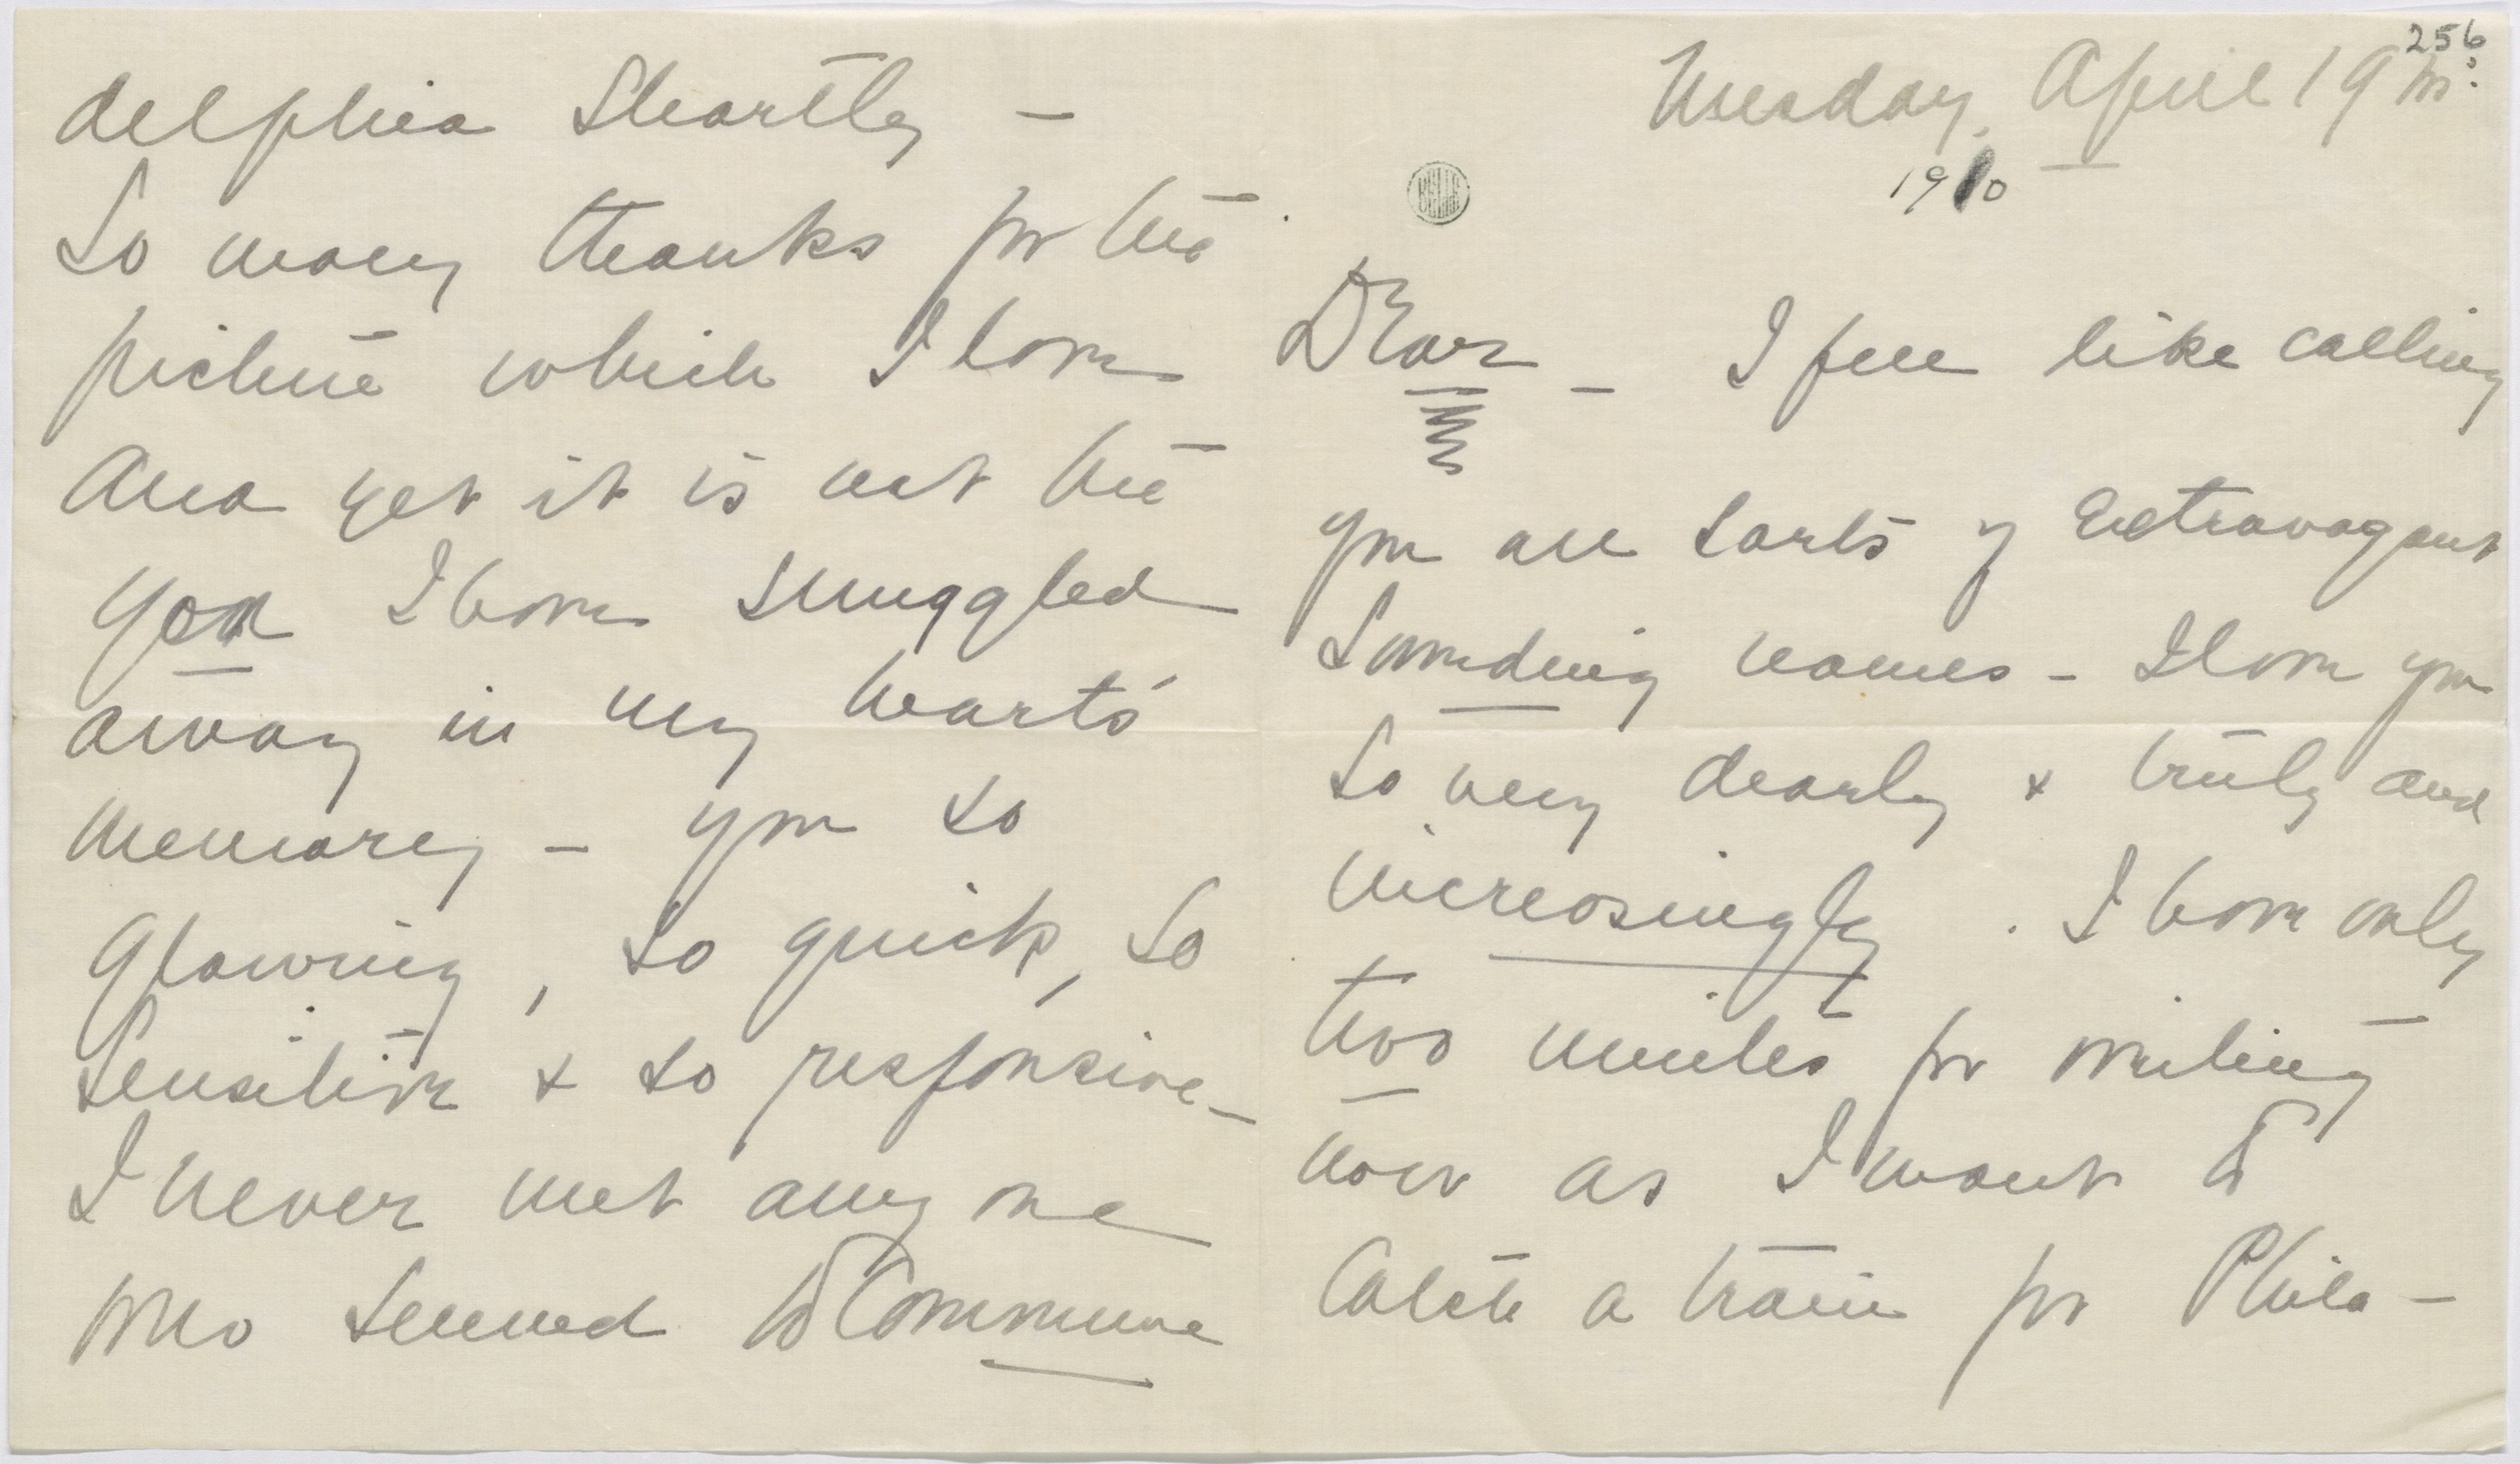Tuesday April 19th
[Underlined multiple times: Dear] – I feel like calling you all sorts of extravagant sounding names – I love you So very dearly & truly and increasingly. I have only two minutes for writing now as I want to catch a train for Philadelphia
shortly –
So many thanks for the picture which I love and yet it is not the you I have snuggled away in heart’s memory – you so glowing, so quick, so sensitive & so responsive –
I never met any one who seemed to commune